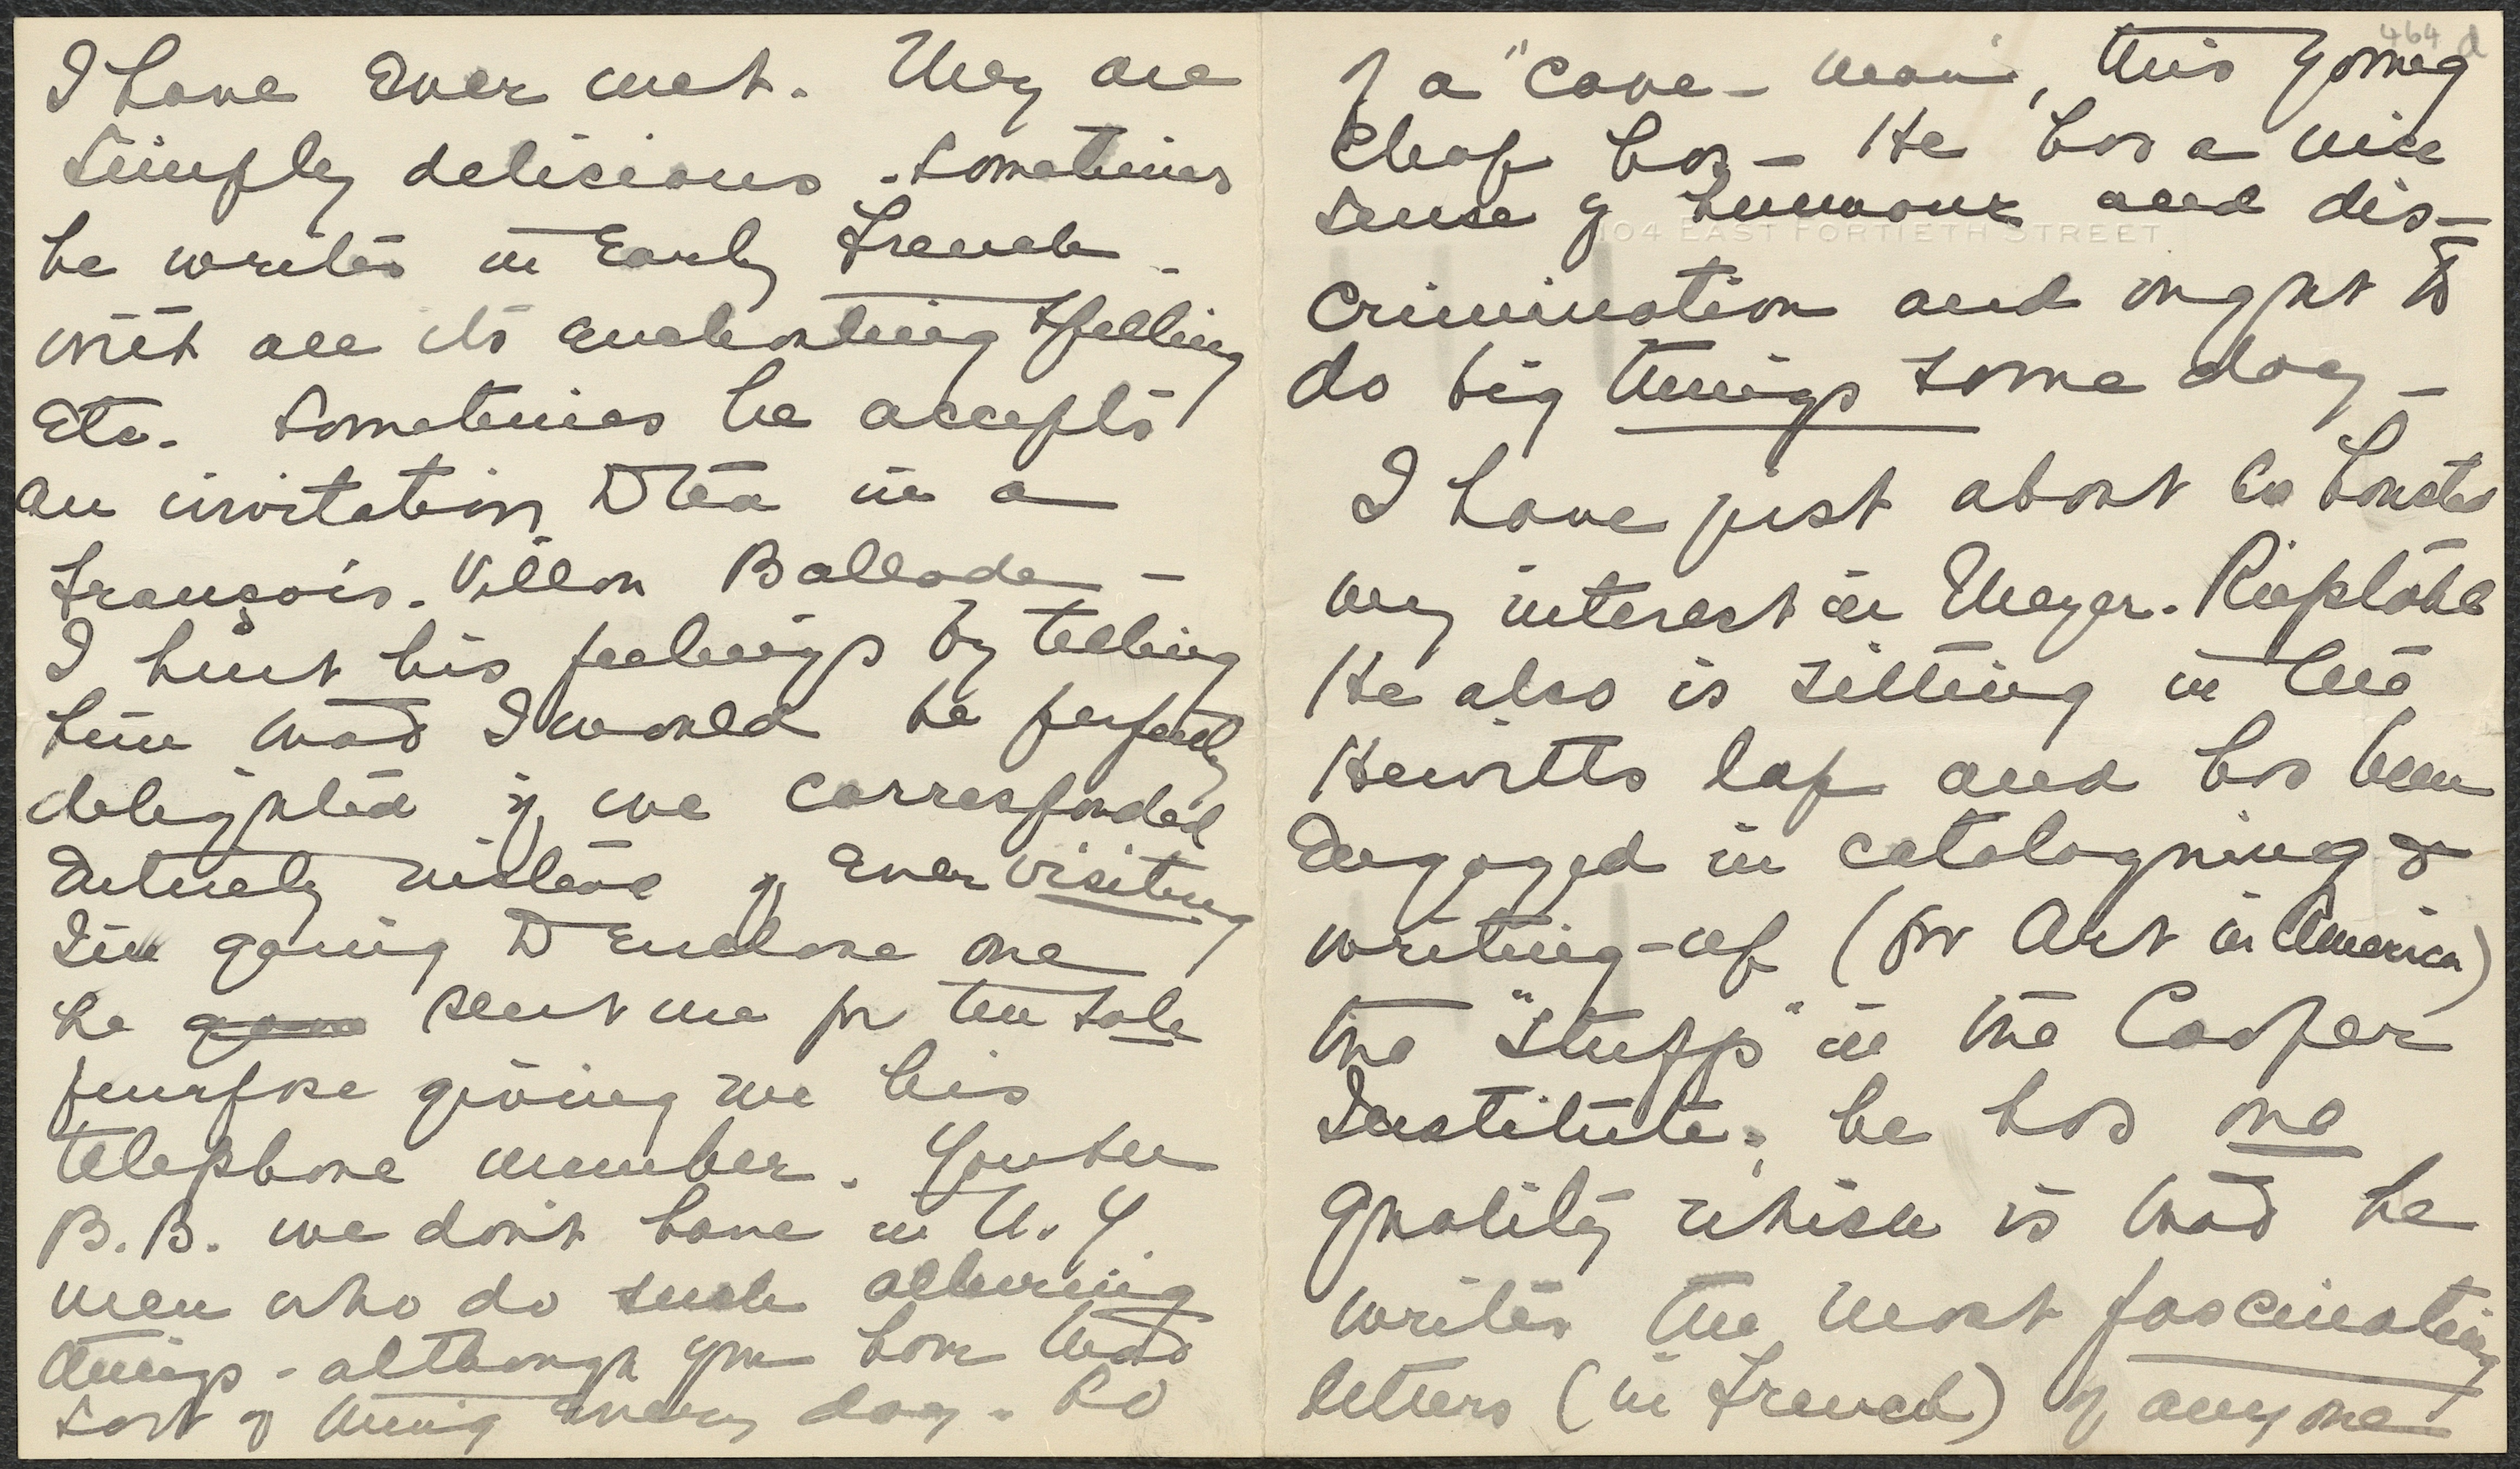of a “cave-man,” this young chap has – He has a nice sense of humour and discrimination and ought to do big things some day –
I have just about exhausted any interest in Meyer-Riefstahl He also is sitting in the Hewitts lap and has been engaged in cataloguing & writing-up (for Art in America) the “stuffs” in the Cooper Institute, he has one quality which is that he writes the most fascinating letters (in French) of anyone
I have ever met. They are simply delicious. Sometimes he writes in Early French – with all its enchanting spelling etc. Sometimes he accepts our invitation to tea in a Francois Villon Ballade – I hurt his feelings by telling him that I would be perfectly delighted if we corresponded entirely instead of ever visiting
I’m going to enclose one he gave sent me for the sole purpose [sic] giving me his telephone number. You see B. B. we don’t have in N.Y. men who do such alluring things – although you have that sort of thing every day – so